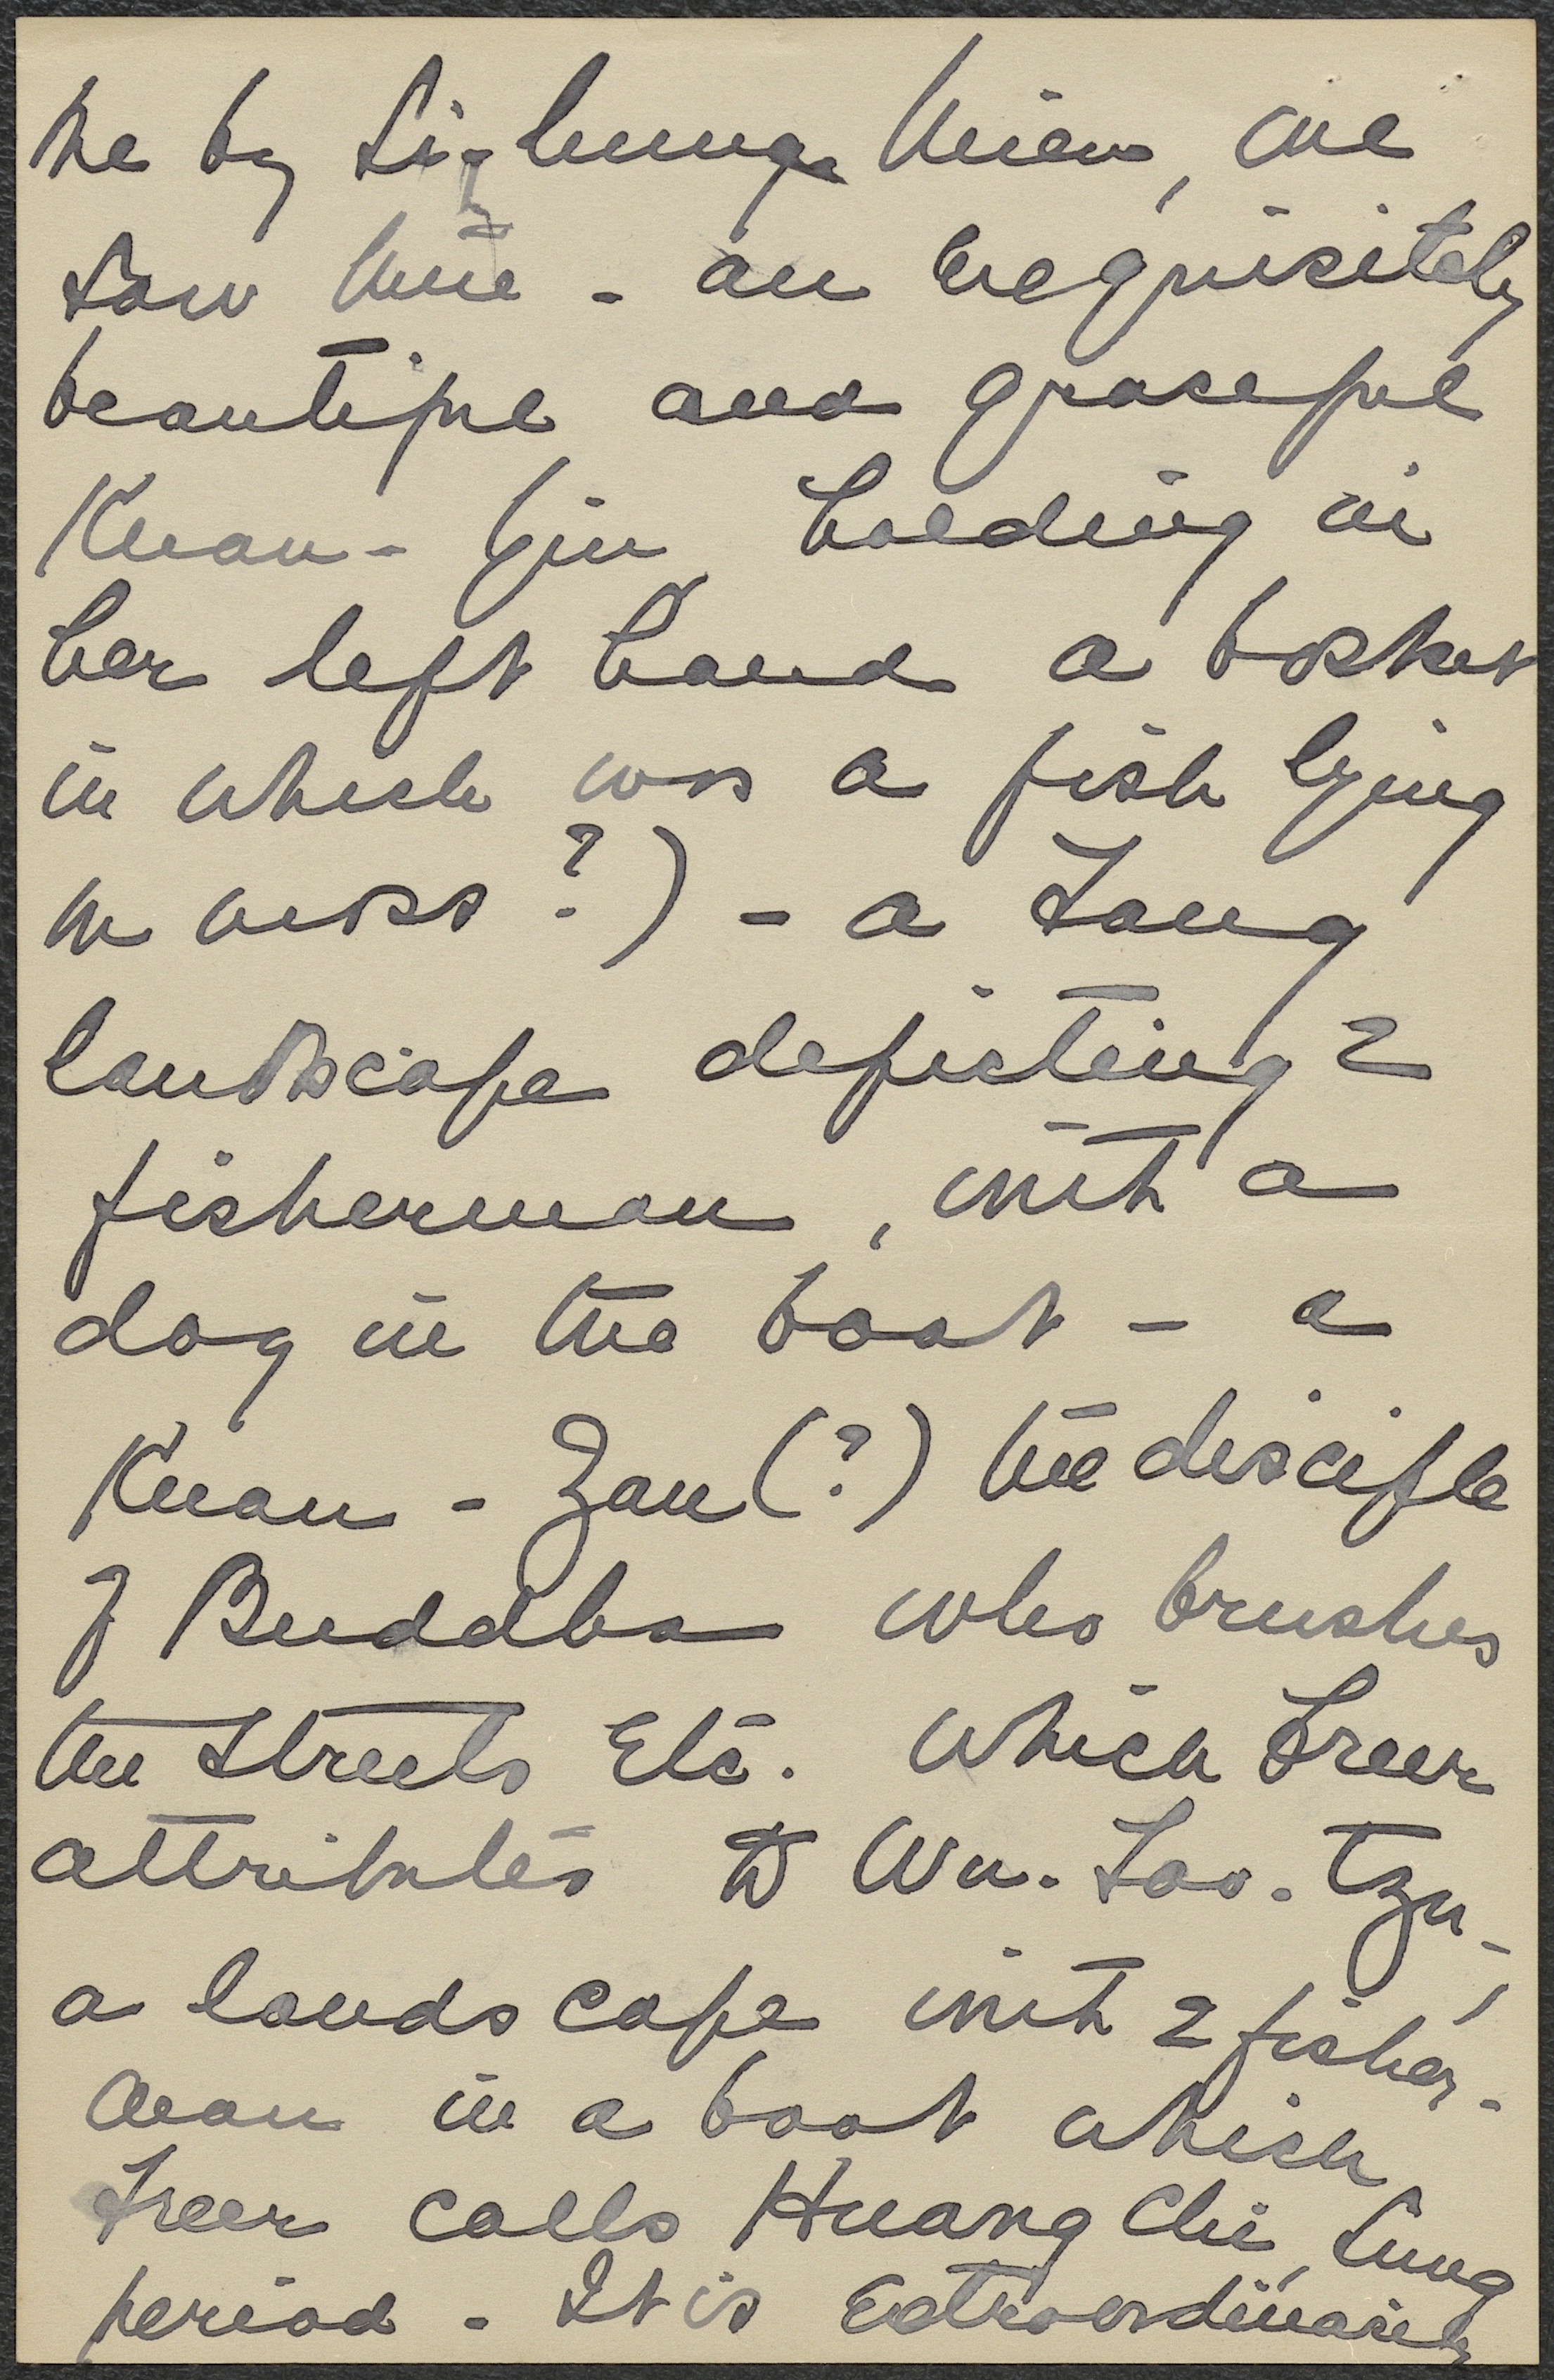one by Li-Hung-Mien, one saw there – an exquisitely beautiful and graceful Kuan-Yin holding in her left hand a basket in which was a fish lying on moss?) – a Tang landscape depicting 2 fisherman, with a dog in the boat – a Kuan-Zan (?) the disciple of Buddha who brushes the streets etc. which Freer attributes to Wu-Tao-tzu – a landscape with 2 fisherman [sic] in a boat which Freer calls Huang Chi, Sung period – It is extraordinarily